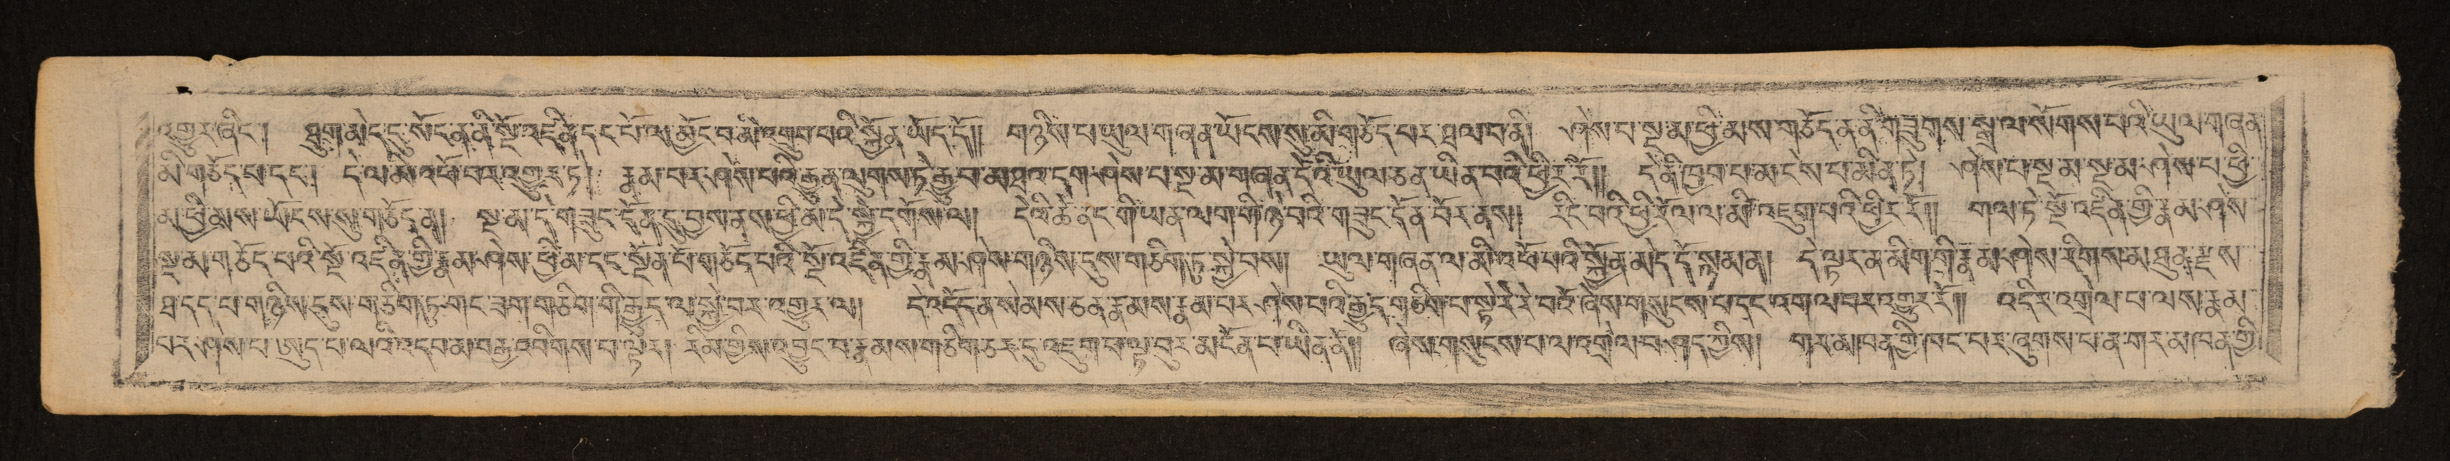འགྱུར་ཞིང་། ཐུག་མེད་དུ་སོང་ན་ནི་སྔོ་འཛིན་དང་པོ་ལ་མྱོང་བ་མི་གྲུབ་པའི་སྐྱོན་ཡོད་དོ།། གཉིས་པ་ཡུལ་གཞན་ཡོངས་སུ་མི་གཅོད་པར་ཐལ་བ་ནི། ཤེས་པ་སྔ་མ་ཕྱི་མས་གཅོད་ན་ནི་གཟུགས་སྒྲ་ལ་སོགས་པའི་ཡུལ་གཞན་
མི་གཅོད་པ་དང་། དེ་ལ་མི་འཕོ་བར་འགྱུར་ཏེ། རྣམ་པར་ཤེས་པའི་རྒྱུན་ལུགས་ཏེ་རྒྱུ་བ་མཐའ་དག་ཤེས་པ་སྔ་མ་གཞན་དེའི་ཡུལ་ཅན་ཡིན་པའི་ཕྱིར་རོ།། དེ་ནི་ཁྱབ་པ་མ་ངེས་པ་མིན་ཏེ། ཤེས་པ་སྔ་མ་སྔ་མ་ཤེས་པ་ཕྱི་
མ་ཕྱི་མས་ཡོངས་སུ་གཅོད་ན། སྔ་མ་དེ་གཟུང་དོན་དུ་བྱས་ནས་ཕྱི་མ་དེ་སྐྱེ་དགོས་ལ། དེའི་ཚེ་ནང་གི་ཡན་ལག་གི་ཉེ་བའི་གཟུང་དོན་བོར་ནས། རིང་བའི་ཕྱི་རོལ་ལ་མི་འཇུག་པའི་ཕྱིར་རོ།། གལ་ཏེ་སྔོ་འཛིན་གྱི་རྣམ་ཤེས་
སྔ་མ་གཅོད་པའི་སྔོ་འཛིན་གྱི་རྣམ་ཤེས་ཕྱི་མ་དང་སྔོན་པོ་གཅོད་པའི་སྔོ་འཛིན་གྱི་རྣམ་ཤེས་གཉིས་དུས་གཅིག་ཏུ་སྐྱེ་བས། ཡུལ་གཞན་ལ་མི་འཕོ་བའི་སྐྱོན་མེད་དོ་སྙམ་ན། དེ་ལྟར་ན་མིག་གི་རྣམ་ཤེས་རིགས་མཐུན་རྫས་
ཐ་དད་པ་གཉིས་དུས་གཅིག་ཏུ་གང་ཟག་གཅིག་གི་རྒྱུད་ལ་སྐྱེ་བར་འགྱུར་ལ། དེ་འདོད་ན་སེམས་ཅན་རྣམས་རྣམ་པར་ཤེས་པའི་རྒྱུད་གཅིག་པ་སྟེ་རེ་རེ་བའོ་ཞེས་གསུངས་པ་དང་འགལ་བར་འགྱུར་རོ།། འདིར་འགྲེལ་པ་ལས་རྣམ་
པར་ཤེས་པ་ཨུད་པ་ལའི་འདབ་མ་བརྒྱ་འབིགས་པ་ལྟར། རིམ་གྱིས་འབྱུང་བ་རྣམས་གཅིག་ཅར་དུ་འཇུག་པ་ལྟ་བུར་མངོན་པ་ཡིན་ནོ།། ཞེས་གསུངས་པ་ལ་འགྲེལ་བཤད་ཀྱིས། གར་མཁན་གྱི་ཁང་པར་ཞུགས་པ་ན་གར་མཁན་གྱི་